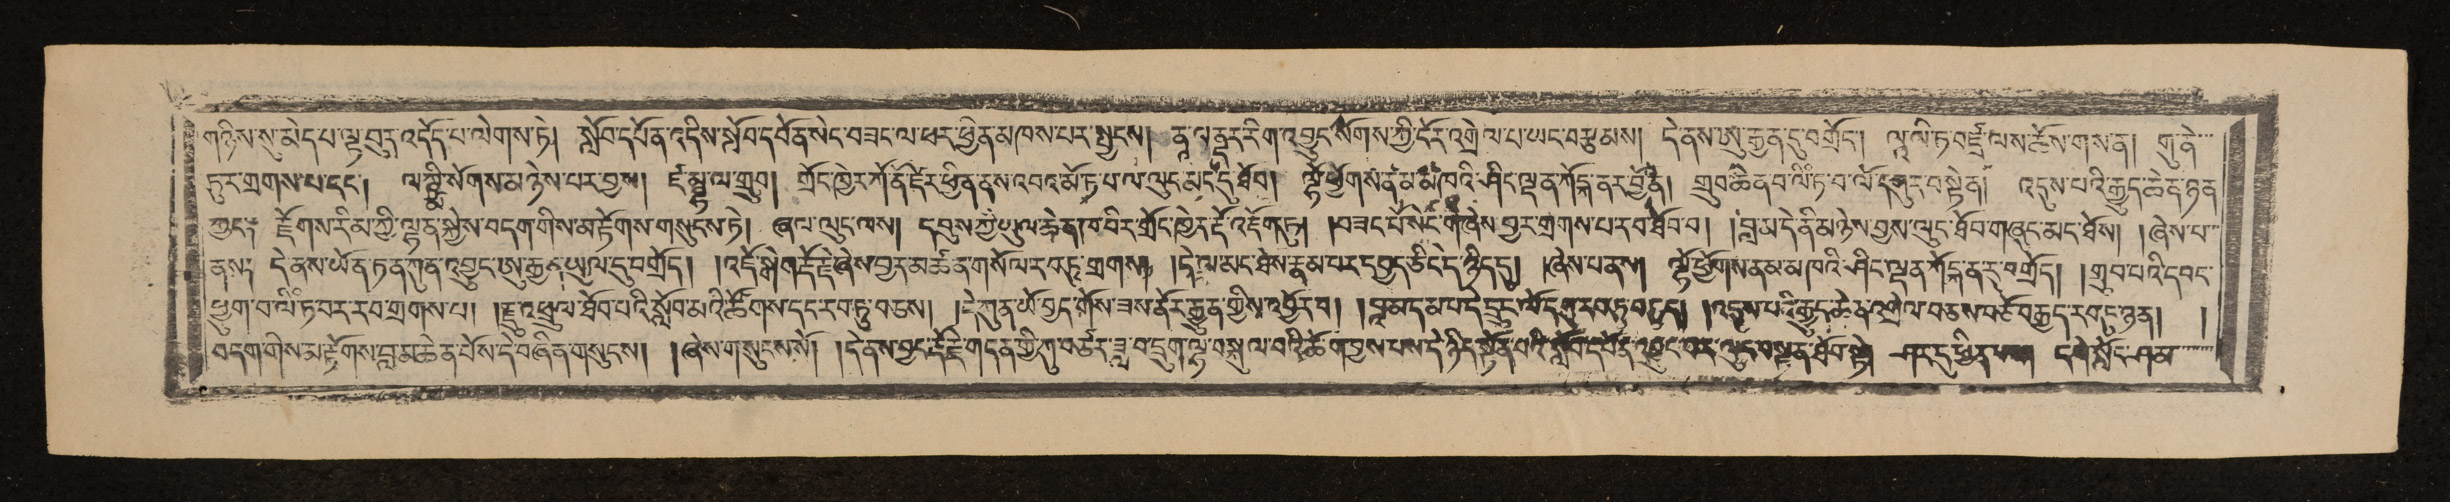གཉིས་སུ་མེད་པ་ལྟ་བུར་འདོད་པ་ལེགས་ཏེ། སློབ་དཔོན་འདིས་སློབ་དཔོན་སེང་བཟང་ལ་ཕར་ཕྱིན་མཁས་པར་སྦྱངས། ནཱ་ལནྡར་རིག་འབྱུང་སོགས་ཀྱི་ངོར་འགྲེལ་པ་ཡང་བརྩམས། དེ་ནས་ཨུ་རྒྱན་དུ་བགྲོད། ལཱ་ལི་ཏ་བཛྲ་ལས་ཆོས་གསན། །བུ་ནེ་
ཏུར་གྲགས་པ་དང་། ལཀྵྨི་སོགས་མཉེས་པར་བྱས། ཛམྦྷ་ལ་གྲུབ། གྲོང་ཁྱེར་ཀོ་ནོ་ཛེར་ཕྱིན་ནས་འབའ་མོ་ཏ་པ་ལ་ལུང་མང་དུ་ཐོབ། ལྷོ་ཕྱོགས་ནམ་མཁའི་ཤིང་ལྡན་ཀོངྐ་ནར་བྱོན། གྲུབ་ཆེན་བ་ལིཏཾ་པ་ལོ་དགུར་བསྟེན། འདུས་པའི་རྒྱུད་ཆེན་ཉན་
ཀྱང༑ རྫོགས་རིམ་གྱི་ལྷན་སྐྱེས་བདག་གིས་མ་རྟོགས་གསུངས་ཏེ། ཞལ་ལུང་ལས། དབུས་ཀྱི་ཡུལ་ཆེན་ཁ་བིར་གྲོང་ཁྱེར་རྡོ་འཇོག་ཏུ། །བཟང་པོ་སེང་གེ་ཞེས་བྱར་གྲགས་པ་རབ་ཐོབ་པ། །བླ་མ་དེ་ནི་མཉེས་བྱས་ལུང་ཐོབ་གཞུང་མང་ཐོས། །ཞེས་པ་
ནས༑ དེ་ནས་ཡོན་ཏན་ཀུན་འབྱུང་ཨུ་རྒྱན་ཡུལ་དུ་བགྲོད། །འཇོ་སྒེག་རྡོ་རྗེ་ཞེས་བྱར་མཚན་གསོལ་རབ་ཏུ་གྲགས། །དེ་ལ་མང་ཐོས་རྣམ་པར་དཔྱད་ཅིང་དེ་ཉིད་དུ། །ཞེས་པ་ནས། །ལྷོ་ཕྱོགས་ནམ་མཁའི་ཤིང་ལྡན་ཀོངྐ་ན་དུ་བགྲོད། །གྲུབ་པའི་དབང་
ཕྱུག་བ་ལིཾ་ཏ་བར་རབ་གྲགས་བ། །རྫུ་འཕྲུལ་ཐོབ་པའི་སློབ་མའི་ཚོགས་དང་རབ་ཏུ་བཅས། །དེ་ཀུན་ཡོ་བྱད་གོས་ཟས་ནོར་རྒྱུན་གྱིས་འབྱོར་བ། །བླ་མ་དམ་པ་དེ་དྲུང་ལོ་དགུ་རབ་ཏུ་བཏུད། །འདུས་པའི་རྒྱུད་ཆེན་འགྲེལ་བཅས་བཅོ་བརྒྱད་རབ་ཏུ་ཉན། །
བདག་གིས་མ་རྟོགས་བླ་མ་ཆེན་པོས་དེ་བཞིན་གསུངས། །ཞེས་གསུངས་སོ། །དེ་ནས་བྱང་རྡོ་རྗེ་གདན་གྱི་ཀུ་བཙར་ཟླ་བ་དྲུག་ལྷ་བསྐུལ་བའི་ཆོ་ག་བྱས་པས་དེ་ཉིད་སྟོན་པའི་སློབ་དཔོན་འབྱུང་བར་ལུང་བསྟན་ཐོབ་སྟེ། ཤར་དུ་ཕྱིན་བས། དགེ་སློང་ཤམ་